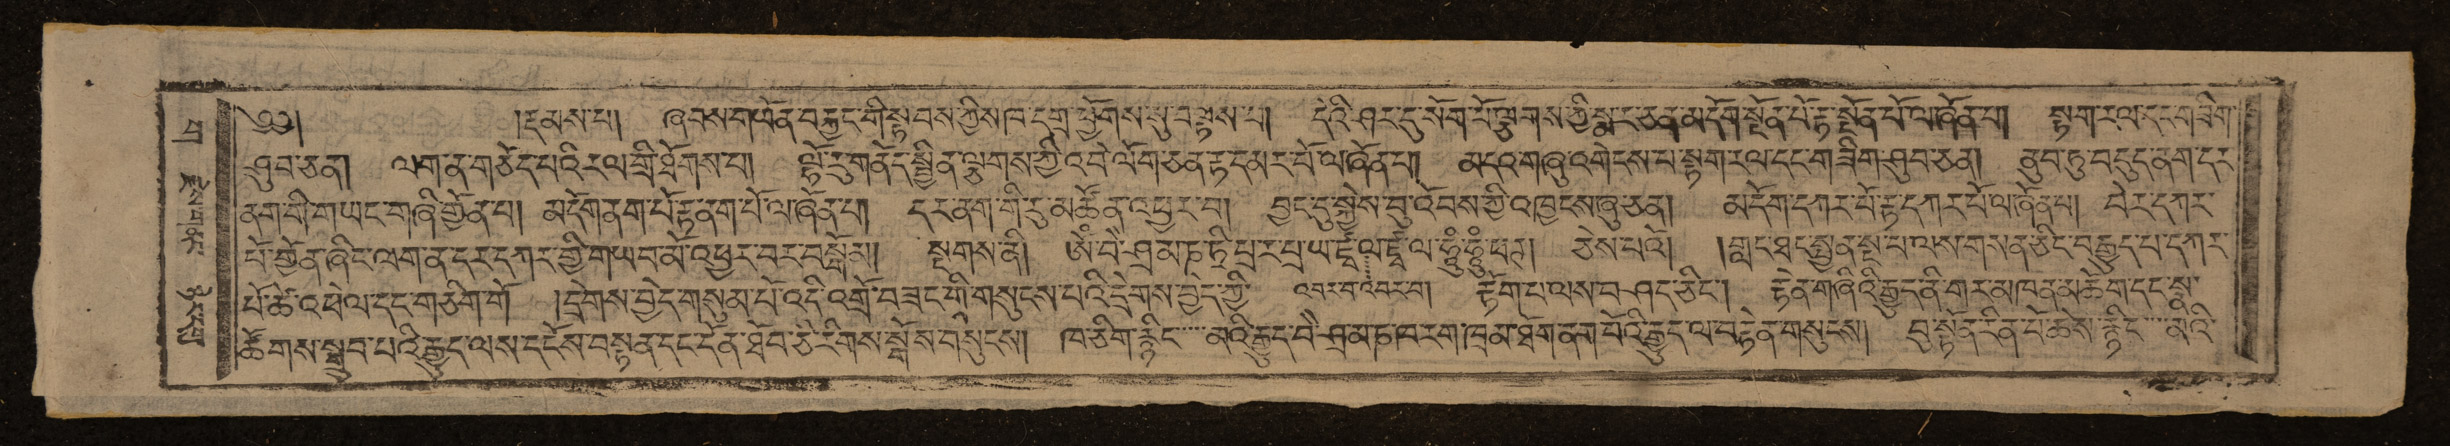༄༅། །རྔམས་པ། ཞབས་གཡོན་བརྐྱང་གི་སྟབས་ཀྱིས་ཁ་དགྲ་ཕྱོགས་སུ་བལྟས་པ། དེའི་ཤར་དུ་སོག་པོ་ལྕགས་ཀྱི་སྨ་ར་ཅན་མདོག་སྔོན་པོ་རྟ་སྔོན་པོ་ལ་ཞོན་པ། སྟག་རལ་དང་གཟིག་
ཤུབ་ཅན། ལག་ན་གཅོད་པའི་རལ་གྲི་ཐོགས་པ། ལྷོ་རུ་གནོད་སྦྱིན་ལྕགས་ཀྱི་འབེ་ལོག་ཅན་རྟ་དམར་པོ་ལ་ཞོན་པ། མདའ་གཞུ་འགེངས་པ་སྟག་རལ་དང་གཟིག་ཤུབ་ཅན། ནུབ་ཏུ་བདུད་ནག་དར་
ནག་གི་གཡང་གཞི་གྱོན་པ། མདོག་ནག་པོ་རྟ་ནག་པོ་ལ་ཞོན་པ། དར་ནག་གི་རུ་མཚོན་འཕྱར་བ། བྱང་དུ་སྐྱེས་བུ་འོབས་ཀྱི་འཁྱངས་ཞུ་ཅན། མདོག་དཀར་པོ་རྟ་དཀར་པོ་ལ་ཞོན་པ། བེར་དཀར་
པོ་གྱོན་ཞིང་ལག་ན་དར་དཀར་གྱི་གཡབ་མོ་འཕྱར་བར་བསྒོམ། སྔགས་ནི། ཨོཾ་བཻ་ཤྲ་མ་ཎ་ཏྲི་པྲ་ར་པྲ་ཡ་ཛྭ་ལ་ཛྭ་ལ་ཧཱུཾ་ཧཱུཾ་ཕཊ། ཅེས་པའོ། །གླང་ཐང་སྤྱན་སྔ་པ་ལས་གསན་ཅིང་བརྒྱུད་པ་དཀར་
པོ་ཚེ་འཕེལ་དང་གཅིག་གོ །དྲེགས་བྱེད་གསུམ་པོ་འདི་འགྲོ་བཟང་གི་གསུངས་པའི་དྲེགས་བྱེད་ཀྱི་འབར་བ་འབར་བ། རྟོག་པ་ལས་བཤད་ཅིང་། རྟེན་གཞིའི་རྒྱུད་ནི་གར་མཁན་མཆོག་དང་སྣ་
ཚོགས་སྒྲུབ་པའི་རྒྱུད་ལས་དངོས་བསྟན་དང་དོན་ཐོབ་ཅི་རིགས་སྒོས་གསུངས། ཁ་ཅིག་རྙིང་མའི་རྒྱུད་བཻ་ཤྲ་མ་ཎ་ཁ་རག་ཁྲམ་ཐོག་ནག་པོའི་རྒྱུད་ལ་བརྟེན་གསུངས། བུ་སྟོན་རིན་པོ་ཆེས་རྙིང་མའི་